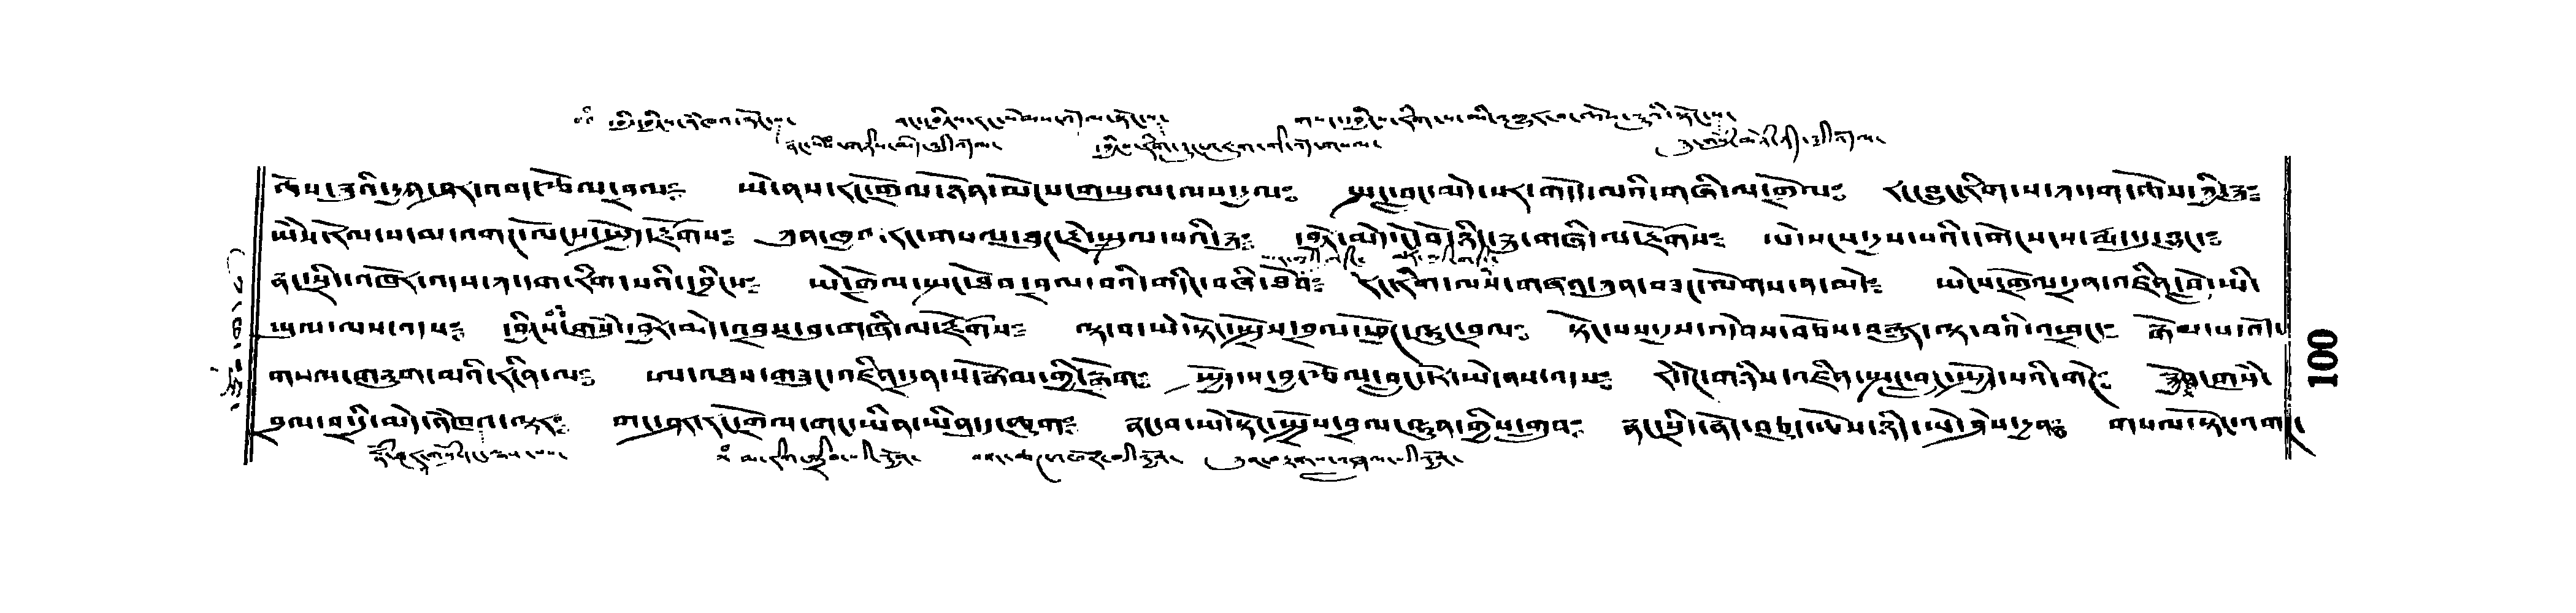ཆོས་སྐུའི་རྒྱན་ཤར་འབད་རྩོལ་བྲལ༔ ཡེ་ནས་རང་གྲོལ་ཉོན་མོངས་གཡུལ་ལས་རྒྱལ༔ སྤང་བླང་མེད་པར་གདོད་མའི་གཞི་ལ་གྲོལ༔ རང་བྱུང་རིག་པ་ཀ་དག་ཆོས་ཀྱི་སྐུ༔ 
ཡེ་ཤེས་རོལ་པ་མ་འགགས་ལོངས་སྤྱོད་རྫོགས༔ ཀུན་ཁྱབ་རང་གསལ་ཐུགས་རྗེ་སྤྲུལ་པའི་སྐུ༔ དབྱེར་མེད་ངོ་བོ་ཉིད་སྐུ་གཞི་ལ་རྫོགས༔ ཡེ་སངས་རྒྱས་པའི་དགོངས་པ་རྨད་དུ་བྱུང༔ 
སྣང་སྲིད་འཁོར་འདས་ཀ་དག་རིག་པའི་དབྱིངས༔ ཡེ་གྲོལ་སྤང་ཐོབ་བྲལ་བའི་གདིང་བཞི་ཐོབ༔ རག་རིག་ལས་གཞན་ཀུན་བཟང་ལོགས་ན་མེད༔ ཡེངས་གྲོལ་དྲན་འཛིན་བློ་ཡི་
ཡུལ་ལས་འདས༔ དབྱིངས་གསུམ་དབྱེར་མེད་འབྲས་བུ་གཞི་ལ་རྫོགས༔ ལྟ་བ་ཡེ་སྟོང་སྤྲོས་བྲལ་ཕྱོགས་ལྷུང་བྲལ༔ སྟོང་པས་རྒྱས་འདེབས་བཅོས་བསྒྱུར་ལྟ་བའི་འཕྲང༔ སྒོམ་པ་འོད་
གསལ་གཉུག་མའི་རང་བཞིན་ལ༔ ཨ་འཐས་གཟུང་འཛིན་དྲན་པ་སྒོམ་གྱི་སྒྲོག༔སྤྱོད་པ་བྱ་རྩོལ་བླང་དོར་ཡེ་ནས་འདས༔ རེ་དོགས་གཉིས་འཛིན་སྤང་བླང་སྤྱོད་པའི་གེགས༔ སྐྱོན་གསུམ་
བྲལ་བ་དྲི་མེད་ནམ་མཁའ་ལྟར༔ གང་ཤར་རང་གྲོལ་གང་ཡིན་ཡིན་དུ་ཆུག༔ སྣང་བ་ཡེ་སྟོང་སྤྲོས་བྲལ་ལྷུན་གྱིས་གྲུབ༔ སྣང་སྲིད་སྣོད་བཅུད་ཆོས་ཉིད་ཡེ་ཤེས་རྒྱན༔ གསལ་སྟོང་འགག་